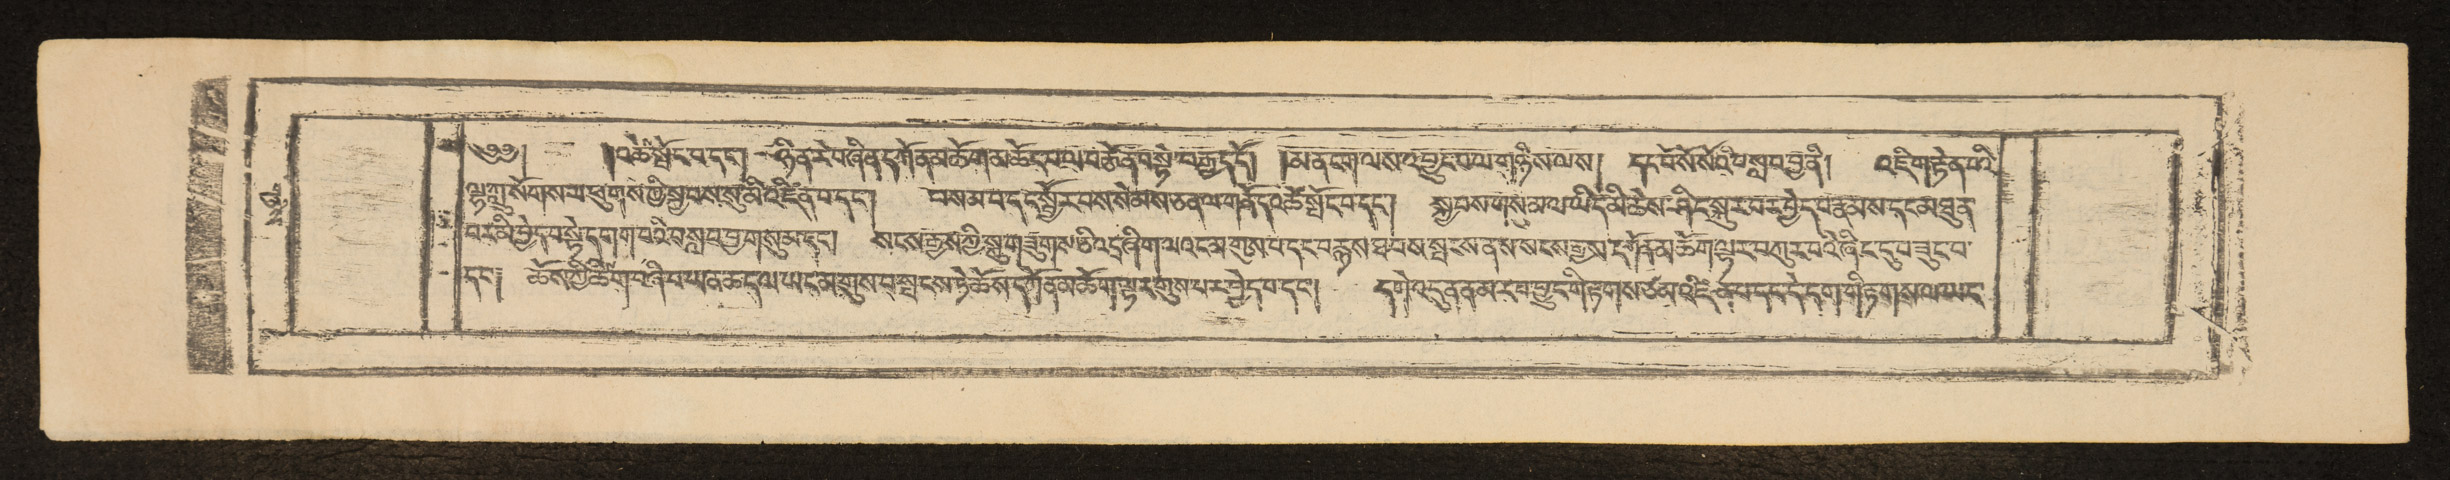༄༅། །འཚེ་སྤོང་བ་དང་། ཉིན་རེ་བཞིན་དཀོན་མཆོག་མཆོད་པ་ལ་བརྩོན་པ་སྟེ་བརྒྱད་དོ། །མན་ངག་ལས་འབྱུང་བ་ལ་གཉིས་ལས། དང་པོ་སོ་སོའི་བསླབ་བྱ་ནི། འཇིག་རྟེན་པའི་
ལྷ་ཀླུ་སོགས་ལ་ཕུགས་ཀྱི་སྐྱབས་སུ་མི་འཛིན་པ་དང་། བསམ་པ་དང་སྦྱོར་བས་སེམས་ཅན་ལ་གནོད་འཚེ་སྤོང་བ་དང་། སྐྱབས་གསུམ་ལ་ཡིད་མི་ཆེས་ཤིང་སྐུར་བར་བྱེད་པ་རྣམས་དང་མཐུན་
པར་མི་བྱེད་བ་སྟེ་དགག་པའི་བསླབ་བྱ་གསུམ་དང་། སངས་རྒྱས་ཀྱི་སྐུ་གཟུགས་ཅི་འདྲ་ཞིག་ལའང་མ་གུས་པ་དང་བརྙས་ཐབས་སྤངས་ནས་སངས་རྒྱས་དཀོན་མཆོག་ལྟར་བཀུར་བའི་ཞིང་དུ་བཟུང་བ་
དང༑ ཆོས་ཀྱི་ཚིག་བཞི་པ་ཡན་ཆད་ལ་ཡང་མ་གུས་པ་སྤངས་ཏེ་ཆོས་དཀོན་མཆོག་ལྟར་གུས་པར་བྱེད་པ་དང་། དགེ་འདུན་ན་མ་རབ་བྱུང་གི་རྟགས་ཙམ་འཛིན་པ་དང་དེ་དག་གི་རྟགས་ལ་ཡང་